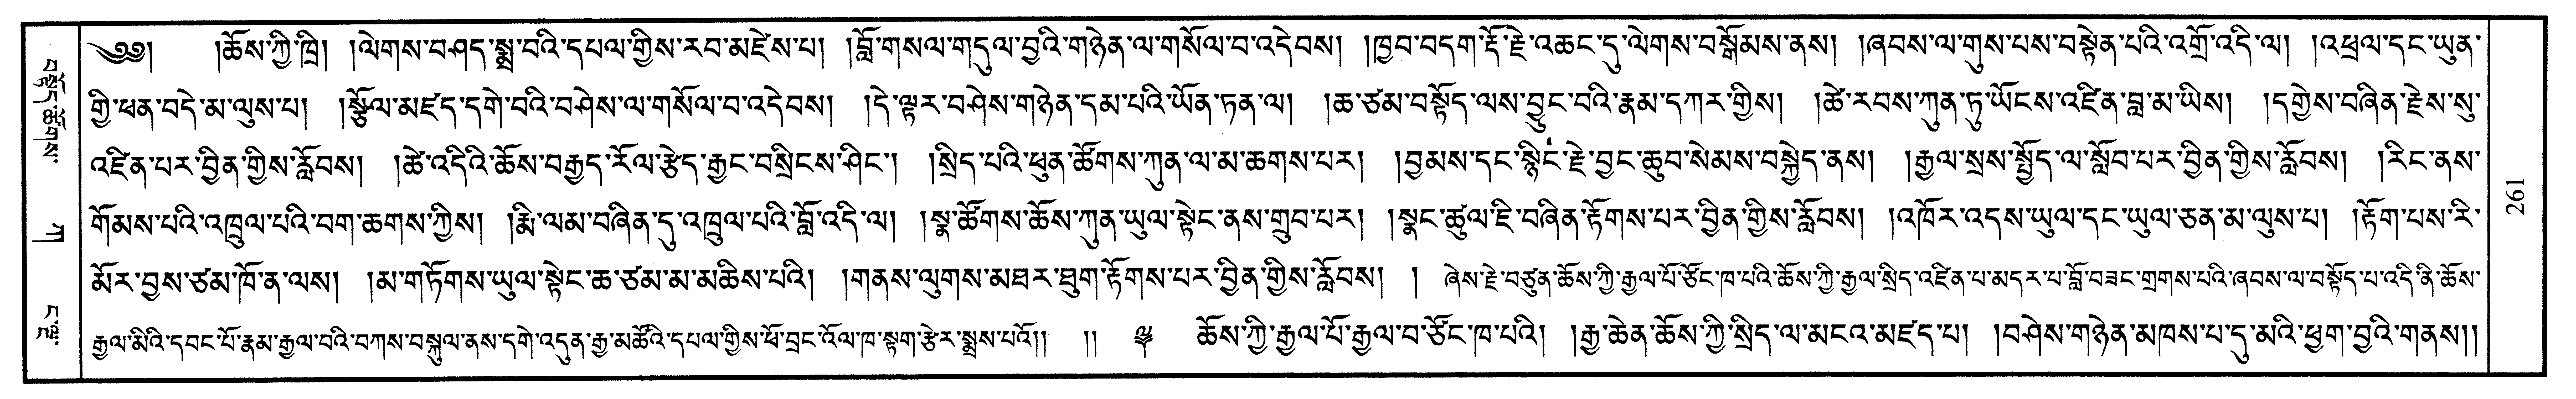༄༅། །ཆོས་ཀྱི་ཁྲི། །ལེགས་བཤད་སྨྲ་བའི་དཔལ་གྱིས་རབ་མཛེས་པ། །བློ་གསལ་གདུལ་བྱའི་གཉེན་ལ་གསོལ་བ་འདེབས། །ཁྱབ་བདག་རྡོ་རྗེ་འཆང་དུ་ལེགས་བསྒོམས་ནས། །ཞབས་ལ་གུས་པས་བསྟེན་པའི་འགྲོ་འདི་ལ། །འཕྲལ་དང་ཡུན་
གྱི་ཕན་བདེ་མ་ལུས་པ། །སྩོལ་མཛད་དགེ་བའི་བཤེས་ལ་གསོལ་བ་འདེབས། །དེ་ལྟར་བཤེས་གཉེན་དམ་པའི་ཡོན་ཏན་ལ། །ཆ་ཙམ་བསྟོད་ལས་བྱུང་བའི་རྣམ་དཀར་གྱིས། །ཚེ་རབས་ཀུན་ཏུ་ཡོངས་འཛིན་བླ་མ་ཡིས། །དགྱེས་བཞིན་རྗེས་སུ་
འཛིན་པར་བྱིན་གྱིས་རློབས། །ཚེ་འདིའི་ཆོས་བརྒྱད་རོལ་རྩེད་རྒྱང་བསྲིངས་ཤིང་། །སྲིད་པའི་ཕུན་ཚོགས་ཀུན་ལ་མ་ཆགས་པར། །བྱམས་དང་སྙིང་རྗེ་བྱང་ཆུབ་སེམས་བསྐྱེད་ནས། །རྒྱལ་སྲས་སྤྱོད་ལ་སློབ་པར་བྱིན་གྱིས་རློབས། །རིང་ནས་
གོམས་པའི་འཁྲུལ་པའི་བག་ཆགས་ཀྱིས། །རྨི་ལམ་བཞིན་དུ་འཁྲུལ་པའི་བློ་འདི་ལ། །སྣ་ཚོགས་ཆོས་ཀུན་ཡུལ་སྟེང་ནས་གྲུབ་པར། །སྣང་ཚུལ་ཇི་བཞིན་རྟོགས་པར་བྱིན་གྱིས་རློབས། །འཁོར་འདས་ཡུལ་དང་ཡུལ་ཅན་མ་ལུས་པ། །རྟོག་པས་རི་
མོར་བྱས་ཙམ་ཁོ་ན་ལས། །མ་གཏོགས་ཡུལ་སྟེང་ཆ་ཙམ་མ་མཆིས་པའི། །གནས་ལུགས་མཐར་ཐུག་རྟོགས་པར་བྱིན་གྱིས་རློབས། །ཞེས་རྗེ་བཙུན་ཆོས་ཀྱི་རྒྱལ་པོ་ཙོང་ཁ་པའི་ཆོས་ཀྱི་རྒྱལ་སྲིད་འཛིན་པ་མདར་པ་བློ་བཟང་གྲགས་པའི་ཞབས་ལ་བསྟོད་པ་འདི་ནི་ཆོས་
རྒྱལ་མིའི་དབང་པོ་རྣམ་རྒྱལ་བའི་བཀས་བསྐུལ་ནས་དགེ་འདུན་རྒྱ་མཚོའི་དཔལ་གྱིས་ཕོ་བྲང་འོལ་ཁ་སྟག་རྩེར་སྨྲས་པའོ།། །། ༈ ཆོས་ཀྱི་རྒྱལ་པོ་རྒྱལ་བ་ཙོང་ཁ་པའི། །རྒྱ་ཆེན་ཆོས་ཀྱི་སྲིད་ལ་མངའ་མཛད་པ། །བཤེས་གཉེན་མཁས་པ་དུ་མའི་ཕྱག་བྱའི་གནས།།